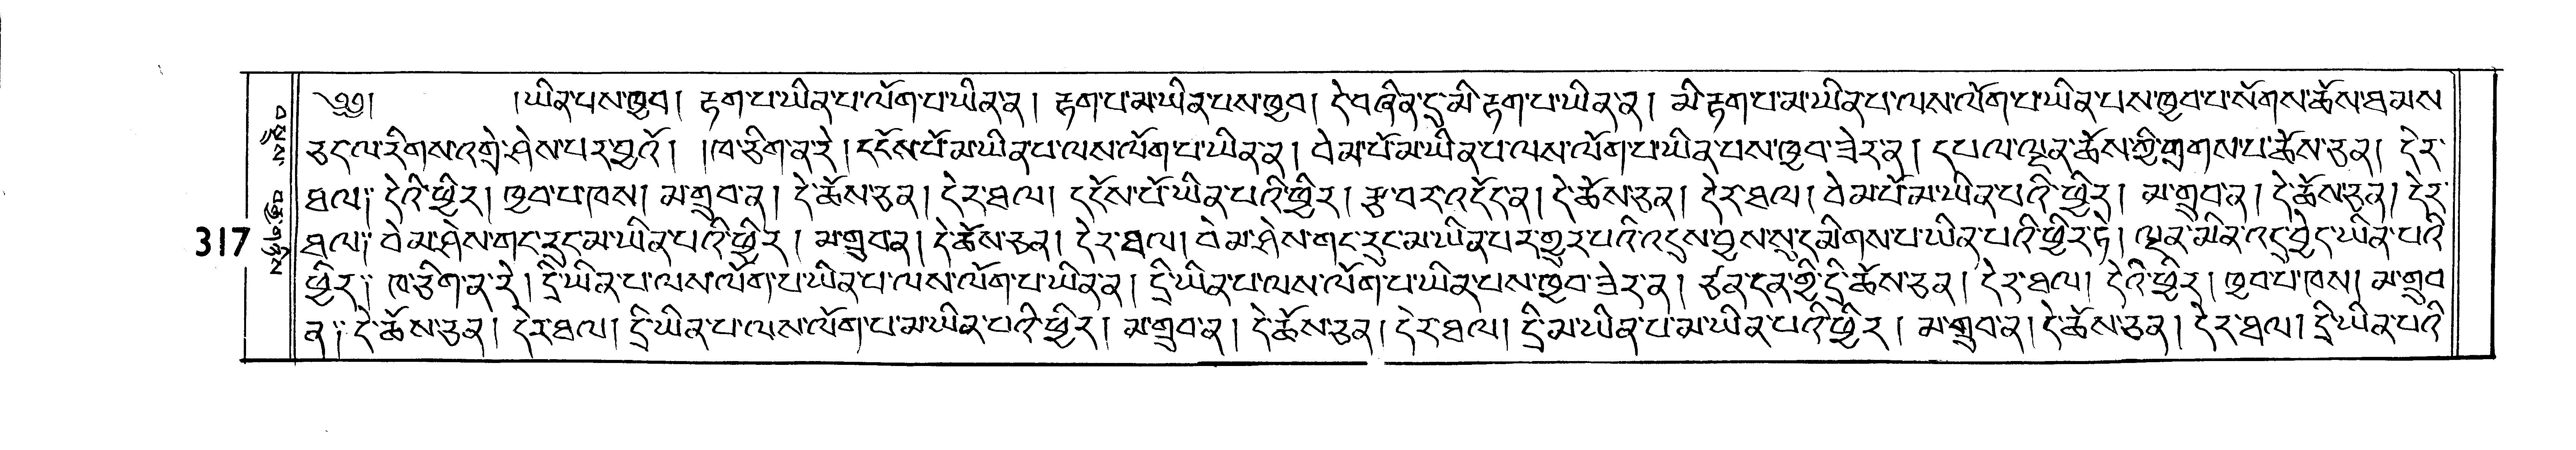༄༅། །ཡིན་པས་ཁྱབ། རྟག་པ་ཡིན་པ་ལོག་པ་ཡིན་ན། རྟག་པ་མ་ཡིན་པས་ཁྱབ། དེ་བཞིན་དུ་མི་རྟག་པ་ཡིན་ན། མི་རྟག་པ་མ་ཡིན་པ་ལས་ལོག་པ་ཡིན་པས་ཁྱབ་པ་སོགས་ཆོས་ཐམས་
ཅད་ལ་རིགས་འགྲེ་ཤེས་པར་བྱའོ། །ཁ་ཅིག་ན་རེ། དངོས་པོ་མ་ཡིན་པ་ལས་ལོག་པ་ཡིན་ན། བེམ་པོ་མ་ཡིན་པ་ལས་ལོག་པ་ཡིན་པས་ཁྱབ་ཟེར་ན། དཔལ་ལྡན་ཆོས་ཀྱི་གྲགས་པ་ཆོས་ཅན། དེར་
ཐལ༑ དེའི་ཕྱིར། ཁྱབ་པ་ཁས། མ་གྲུབ་ན། དེ་ཆོས་ཅན། དེར་ཐལ། དངོས་པོ་ཡིན་པའི་ཕྱིར། རྩ་བར་འདོད་ན། དེ་ཆོས་ཅན། དེར་ཐལ། བེམ་པོ་མ་ཡིན་པའི་ཕྱིར། མ་གྲུབ་ན། དེ་ཆོས་ཅན། དེར་
ཐལ༑ བེམ་ཤེས་གང་རུང་མ་ཡིན་པའི་ཕྱིར། མ་གྲུབ་ན། དེ་ཆོས་ཅན། དེར་ཐལ། བེམ་ཤེས་གང་རུང་མ་ཡིན་པར་གྱུར་པའི་འདུས་བྱས་སུ་དམིགས་པ་ཡིན་པའི་ཕྱིར་ཏེ། ལྡན་མིན་འདུ་བྱེད་ཡིན་པའི་
ཕྱིར༑ ཁ་ཅིག་ན་རེ། དྲི་ཡིན་པ་ལས་ལོག་པ་ཡིན་པ་ལས་ལོག་པ་ཡིན་ན། དྲི་ཡིན་པ་ལས་ལོག་པ་ཡིན་པས་ཁྱབ་ཟེར་ན། ཙན་དན་གྱི་དྲི་ཆོས་ཅན། དེར་ཐལ། དེའི་ཕྱིར། ཁྱབ་པ་ཁས། མ་གྲུབ་
ན༑ དེ་ཆོས་ཅན། དེར་ཐལ། དྲི་ཡིན་པ་ལས་ལོག་པ་མ་ཡིན་པའི་ཕྱིར། མ་གྲུབ་ན། དེ་ཆོས་ཅན། དེར་ཐལ། དྲི་མ་ཡིན་པ་མ་ཡིན་པའི་ཕྱིར། མ་གྲུབ་ན། དེ་ཆོས་ཅན། དེར་ཐལ། དྲི་ཡིན་པའི་